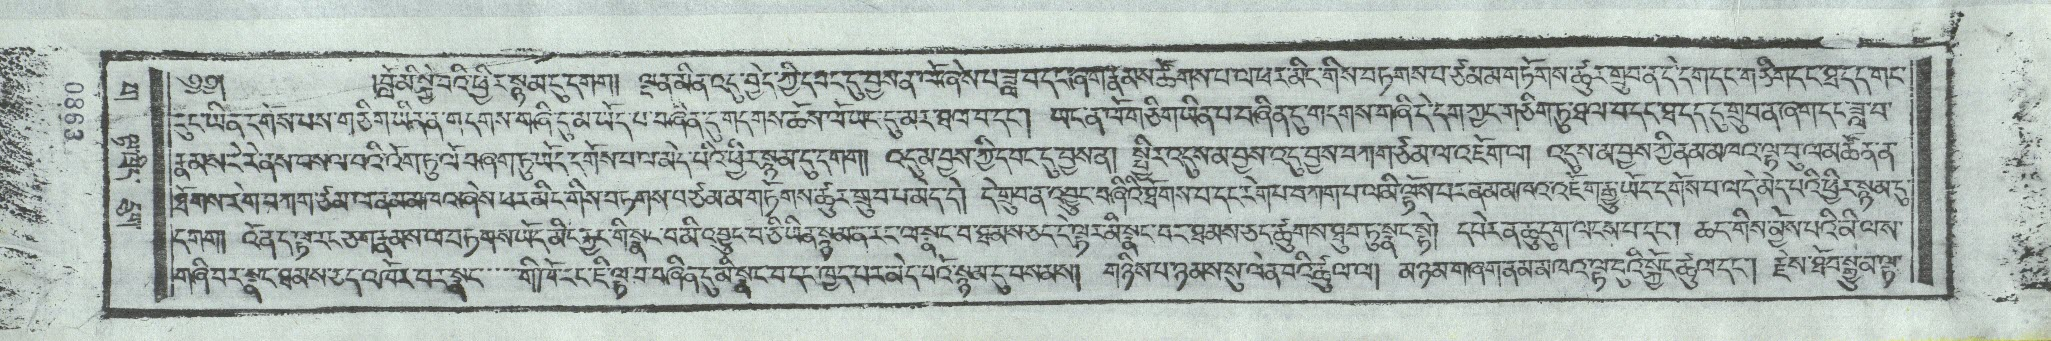༄༅། །བློ་མི་སྐྱེ་བའི་ཕྱིར་སྙམ་དུ་དགག། ལྡན་མིན་འདུ་བྱེད་ཀྱི་དབང་དུ་བྱས་ན་ལོ་ཞེས་པ་ཟླ་བ་དང་ཞག་རྣམས་ཚོགས་པ་ལ་ཕར་མིང་གིས་བཏགས་པ་ཙམ་མ་གཏོགས་ཚུར་གྲུབ་ན་དེ་དག་དང་གཅིག་དང་ཐ་དད་གང་
རུང་ཡིན་དགོས་པས་གཅིག་ཡིན་ན་གདགས་གཞི་དུ་མ་ཡོད་པ་བཞིན་དུ་གདགས་ཆོས་ལོ་ཡང་དུ་མར་ཐལ་བ་དང་། ཡང་ན་ལོ་གཅིག་ཡིན་པ་བཞིན་དུ་གདགས་གཞི་དེ་དག་ཀྱང་གཅིག་ཏུ་ཐལ་བ་དང་ཐ་དད་དུ་གྲུབ་ན་ཞག་དང་ཟླ་བ་
རྣམས་རེ་རེ་ནས་བསལ་བའི་འོག་ཏུ་ལོ་བཞག་ཏུ་ཡོད་དགོས་པ་ལ་མེད་པའི་ཕྱིར་སྙམ་དུ་དགག། འདུ་མ་བྱས་ཀྱི་དབང་དུ་བྱས་ན། སྤྱིར་འདུས་མ་བྱས་འདུ་བྱས་བཀག་ཙམ་ལ་འཇོག་ལ། འདུས་མ་བྱས་ཀྱི་ནམ་མཁའ་ལྟ་བུ་ལ་མཚོན་ན་
ཐོགས་རེག་བཀག་ཙམ་ལ་ནམ་མཁའ་ཞེས་ཕར་མིང་གིས་བཏགས་པ་ཙམ་མ་གཏོགས་ཚུར་གྲུབ་པ་མེད་དེ། དེ་གྲུབ་ན་འབྱུང་བཞིའི་ཐོགས་པ་དང་རེག་པ་བཀག་པ་ལ་མི་ལྟོས་པར་ནམ་མཁའ་འཇོག་རྒྱུ་ཡོད་དགོས་པ་ལ་དེ་མེད་པའི་ཕྱིར་སྙམ་དུ་
དགག། འོ་ན་ད་ལྟ་རང་ཅག་རྣམས་ལ་བཏགས་ཡོད་མིང་རྐྱང་གི་སྣང་བ་མི་འབྱུང་བ་ཅི་ཡིན་སྙམ་ན་རང་ལ་སྣང་བ་ཐམས་ཅད་དེ་ལྟར་མི་སྣང་བར་ཐམས་ཅད་ཚུགས་ཐུབ་ཏུ་སྣང་སྟེ། དཔེར་ན་ཆུ་དུག་ལངས་པ་དང་། ཆང་གིས་མྱོས་པའི་མི་ལ་ས་
གཞི་བར་སྣང་ཐམས་ཅད་འཁོར་བར་སྣང་གི་ཁོ་རང་ཇི་ལྟ་བ་བཞིན་དུ་མི་སྣང་བ་དང་ཁྱད་པར་མེད་པའོ་སྙམ་དུ་བསམས། གཉིས་པ་ཉམས་སུ་ལེན་བའི་ཚུལ་ལ། མཉམ་གཞག་ནམ་མཁའ་ལྟ་བུའི་སྐྱོང་ཚུལ་དང་། རྗེས་ཐོབ་སྒྱུ་མ་ལྟ་